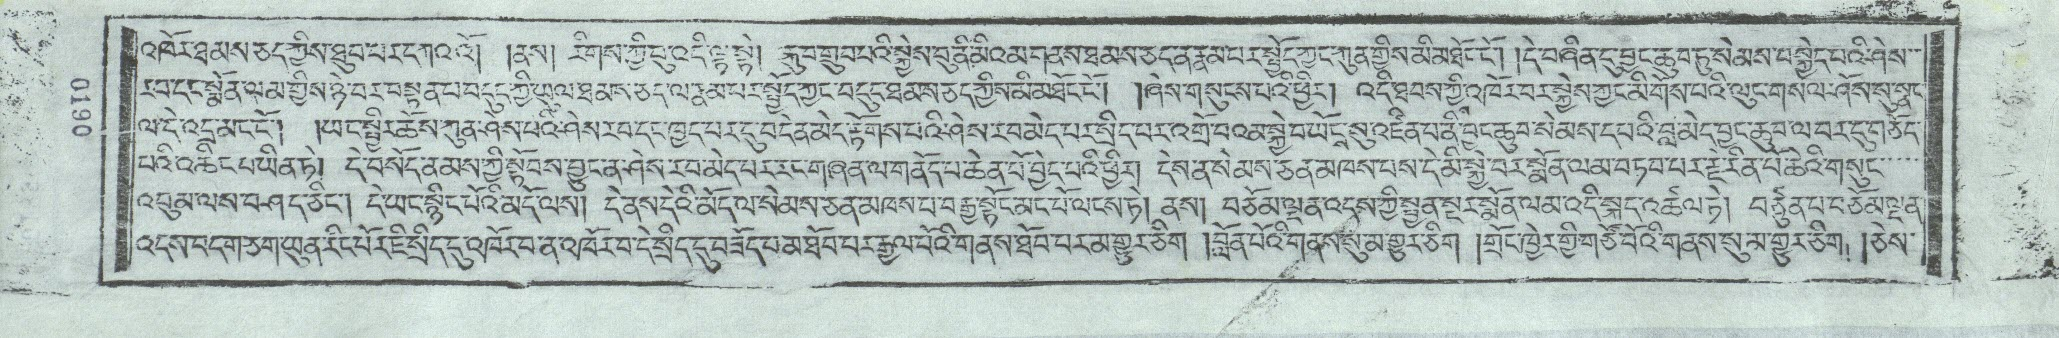འཁོར་ཐམས་ཅད་ཀྱིས་ཐུབ་པར་དཀའ་འོ། །ནས། རིགས་ཀྱི་བུ་འདི་ལྟ་སྟེ། རྐུ་བ་གྲུབ་པའི་སྐྱེས་བུ་ནི་མིའམ་གནས་ཐམས་ཅད་ན་རྣམ་པར་སྦྱོང་ཀྱང་ཀུན་གྱིས་མི་མཐོང་ངོ། །དེ་བཞིན་དུ་བྱང་ཆུབ་ཏུ་སེམས་པ་སྐྱེད་པའི་ཤེས་
རབ་དང་སྨོན་ལམ་གྱིས་ཉེ་བར་བསྟན་པ་བདུད་ཀྱི་ཡུལ་ཐམས་ཅད་ལ་རྣམ་པར་སྤྱོད་ཀྱང་བདུད་ཐམས་ཅད་ཀྱིས་མི་མཐོང་ངོ། །ཞེས་གསུངས་པའི་ཕྱིར། འདི་ཐབས་ཀྱིས་འཁོར་བར་སྐྱེས་ཀྱང་མི་གོས་པའི་ལུང་གསལ་ཤོས་སུ་སྣང་
ལ་དེ་འདྲ་མང་ངོ། །ཡང་སྤྱིར་ཆོས་ཀུན་ཤེས་པའི་ཤེས་རབ་དང་ཁྱད་པར་དུ་བདེན་མེད་རྟོགས་པའི་ཤེས་རབ་མེད་པར་སྲིད་པར་འགྲོ་བའམ་སྐྱེ་བ་ཡོངས་སུ་འཛིན་པ་ནི་བྱང་ཆུབ་སེམས་དཔའི་བླ་མེད་བྱང་ཆུབ་ལ་བར་དུ་བཅོད་
པའི་འཆིང་པ་ཡིན་ཏེ། དེ་བསོད་ནམས་ཀྱི་སྟོབས་བྱུང་ན་ཤེས་རབ་མེད་པར་རང་གཞན་ལ་གནོད་པ་ཆེན་པོ་བྱེད་པའི་ཕྱིར། དེས་ན་སེམས་ཅན་མཁས་པས་དེ་མི་སྐྱེ་བར་སྨོན་ལམ་བཏབ་པར་རྗེ་རིན་པོ་ཆེའི་གསུང་
འབུམ་ལས་བཤད་ཅིང་། དེ་ཡང་སྙིང་པོའི་མདོ་ལས། དེ་ནས་དེའི་མོད་ལ་སེམས་ཅན་མཁས་པ་བརྒྱ་སྟོང་མང་པོ་ལངས་ཏེ། ནས། བཅོམ་ལྡན་འདས་ཀྱི་སྤྱན་སྔར་སྨོན་ལམ་འདི་སྐད་འཚལ་ཏེ། བཙུན་པ་བཅོམ་ལྡན་
འདས་བདག་ཅག་ཡུན་རིང་པོར་ཇི་སྲིད་དུ་འཁོར་བ་ན་འཁོར་བ་དེ་སྲིད་དུ་བཟོད་པ་མཐོབ་པར་རྒྱལ་པོའི་གནས་ཐོབ་པར་མ་གྱུར་ཅིག །བློན་པོའི་གནས་སུ་མ་གྱུར་ཅིག །གྲོང་ཁྱེར་གྱི་གཙོ་བོའི་གནས་སུ་མ་གྱུར་ཅིག། །ཅེས་